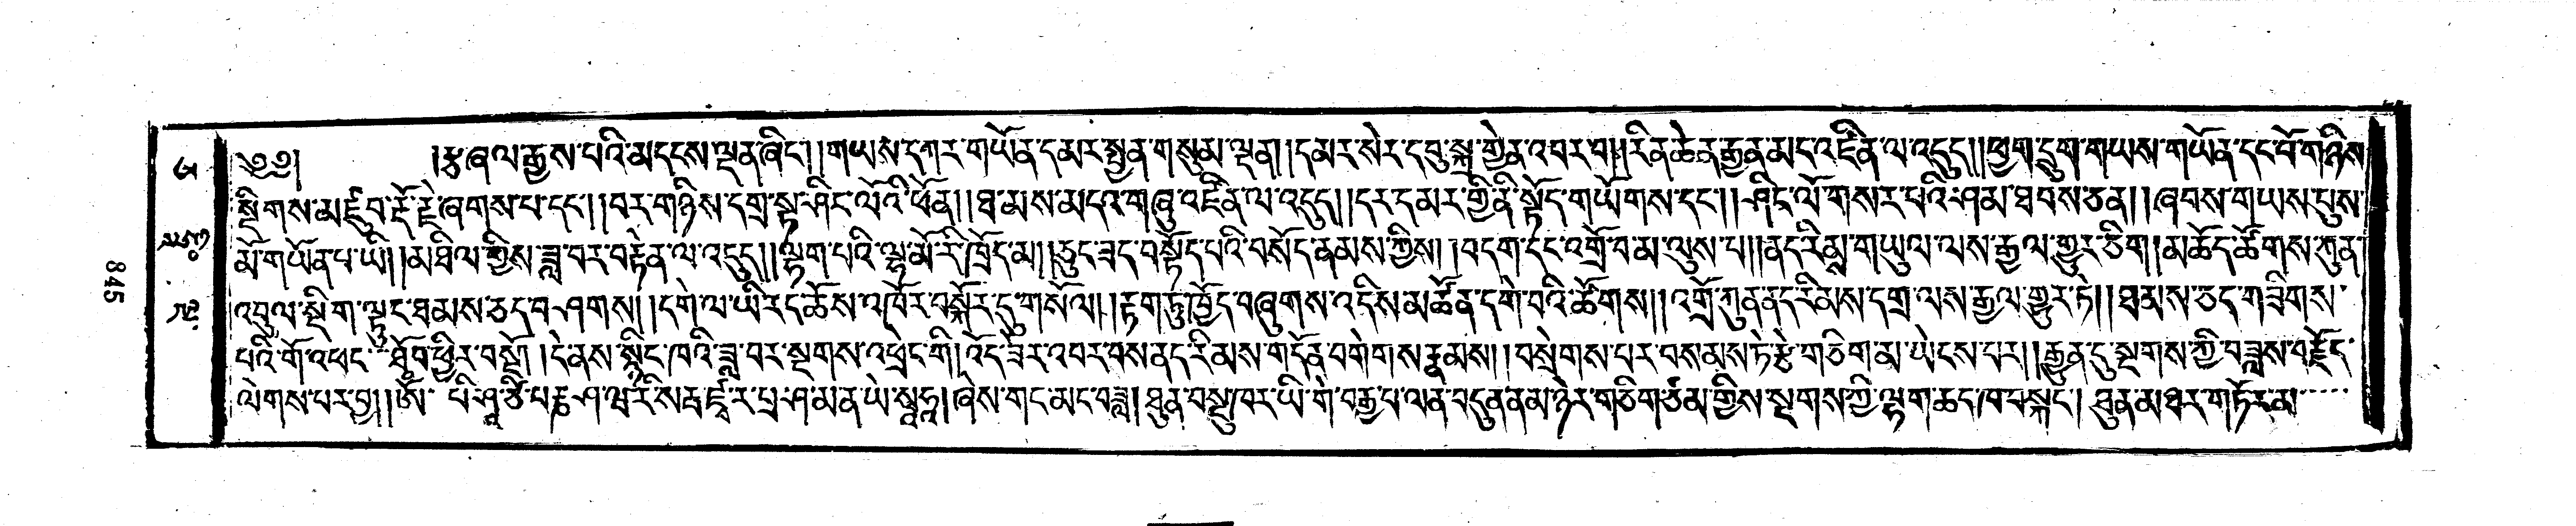༄༅། །རྩ་ཞལ་རྒྱས་པའི་མདངས་ལྡན་ཞིང་། །གཡས་དཀར་གཡོན་དམར་སྤྱན་གསུམ་ལྡན། །དམར་སེར་དབུ་སྐྲ་གྱེན་འབར་བ། །རིན་ཆེན་རྒྱན་མང་འཛིན་ལ་འདུད། །ཕྱག་དྲུག་གཡས་གཡོན་དང་པོ་གཉིས། །
སྡིགས་མཛུབ་རྡོ་རྗེ་ཞགས་པ་དང་། །བར་གཉིས་དགྲ་སྟ་ཤིང་ལོའི་ཕོན། །ཐ་མས་མདའ་གཞུ་འཛིན་ལ་འདུད། །དར་དམར་གྱི་ནི་སྟོད་གཡོགས་དང་། །ཤིང་ལོ་གསར་པའི་ཤམ་ཐབས་ཅན། །ཞབས་གཡས་པུས་
མོ་གཡོན་པ་ཡི། །མཐིལ་གྱིས་ཟླ་བར་བརྟེན་ལ་འདུད། །ལྷག་པའི་ལྷ་མོ་རི་ཁྲོད་མ། །ཅུང་ཟད་བསྟོད་པའི་བསོད་ནམས་ཀྱིས། །བདག་དང་འགྲོ་བ་མ་ལུས་པ། །ནད་རིམས་གཡུལ་ལས་རྒྱལ་གྱུར་ཅིག །མཆོད་ཚོགས་ཀུན་
འབུལ་སྡིག་ལྟུང་ཐམས་ཅད་བཤགས། །དགེ་ལ་ཡི་རང་ཆོས་འཁོར་བསྐོར་དུ་གསོལ། །རྟག་ཏུ་ཁྱོད་བཞུགས་འདིས་མཚོན་དགེ་བའི་ཚོགས། །འགྲོ་ཀུན་ནད་རིམས་དགྲ་ལས་རྒྱལ་གྱུར་ཏེ། །ཐམས་ཅད་གཟིགས་
པའི་གོ་འཕང་ཐོབ་ཕྱིར་བསྔོ། །དེ་ནས་སྙིང་ཁའི་ཟླ་བར་སྔགས་འཕྲེང་གི །འོད་ཟེར་འབར་བས་ནད་རིམས་གདོན་བགེགས་རྣམས། །བསྲེགས་པར་བསམས་ཏེ་རྩེ་གཅིག་མ་ཡེངས་པར། །རྒྱུན་དུ་སྔགས་ཀྱི་བཟླས་བརྗོད་
ལེགས་པར་བྱ། །ཨོཾ་པི་ཤཱ་ཙི་པརྞ་ཤ་ཝ་རི་སརྦ་ཛྲ་ར་པྲ་ཤ་མ་ན་ཡེ་སྭཱཧཱ། ཞེས་གང་མང་བཟླ། ཐུན་བསྡུ་ཁར་ཡི་གེ་བརྒྱ་པ་ལན་བདུན་ནམ་ཉེར་གཅིག་ཙམ་གྱིས་སྔགས་ཀྱི་ལྷག་ཆད་ཁ་བསྐང་། ཐུན་མཐར་གཏོར་མ་